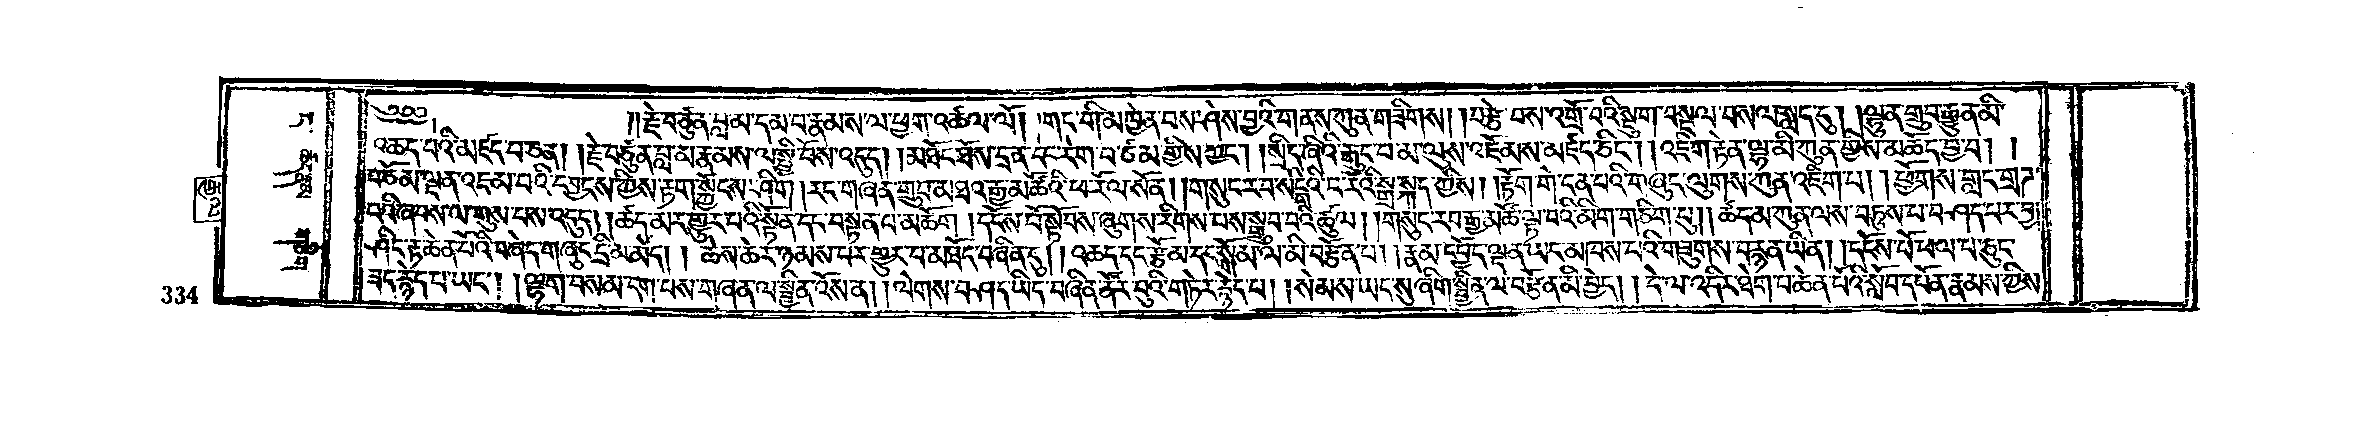རྗེ་མཚན་བླ་མ་དམ་པ་རྣམས་ལ་ཕྱག་འཚལ་ལོ། །གང་གི་མཁྱེན་པས་ཤེས་བྱའི་གནས་ཀུན་གཟིགས། །བརྩེ་བས་འགྲོ་བའི་སྡུག་བསྔལ་བསལ་སླད་དུ། །ལྷུན་གྲུབ་རྒྱུན་མི་
འཆད་པའི་མཛད་པ་ཅན། །རྗེ་བཙུན་བླ་མ་རྣམས་ལ་སྤྱི་བོས་འདུད། །མཐོང་ཐོས་དྲན་དང་རེག་པ་ཙམ་གྱིས་ཀྱང་། །སྲིད་ཞིའི་རྒུང་བ་མ་ལུས་འཇོམས་མཛད་ཅིང་། །འཇིག་རྟེན་ལྷ་མི་ཀུན་གྱིས་མཆོད་བྱ་བ། །
བཅོམ་ལྡན་འཇམ་པའི་དབ་ཡངས་ཀྱིས་རྟག་སྐྱོངས་ཤིག །རང་གཞན་གྲུབ་མཐའ་རྒྱ་མཚོའི་ཕ་རོལ་སོན། །གསུང་རབ་སེངྒེའི་ང་རོའི་སྒྲ་སྐད་ཀྱིས། །རྟོག་གེ་དན་པའི་གཞུང་ལུགས་ཀུན་འཇིག་པ། །ཕྱོགས་གླང་གྲགས་
བའི་ཞེས་ལ་གུས་པས་འདུད། །ཚད་མར་གྱུར་པའི་སྟོན་དང་བསྟན་པ་མཆོག །དངོས་པོ་སྟོབས་ཞུགས་རིགས་པས་སྒྲུབ་པའི་ཚུལ། །གསུང་རབ་རྒྱ་མཚོ་ལྟ་བའི་མིག་གཅིག་པུ། །ཚད་མ་ཀུན་ལས་བཏུས་པ་བཤད་པར་བྱ། །
ཤིང་རྟ་ཆེན་པོའི་བཞེད་གཟུང་དྲི་མ་མེད། །ཆེས་ཆེར་ཉམས་པར་གྱུར་པ་མཐོང་བཞིན་དུ། འཆད་དང་རྩོམ་དང་སྒོམ་ལ་མི་བརྩོན་པ། རྣམ་དཔྱོད་ལྡན་ཡང་མཁས་པའི་གཟུགས་བརྙན་ཡིན། །དངོས་པོ་ཕལ་པ་ཅུང་
ཟད་རྙེད་པ་ཡང་། ལྷག་བསམ་དག་པས་གཞན་ལ་སྦྱིན་འོས་ན། །ལེགས་བཤད་ཡིད་བཞིན་ནོར་བུའི་གཏེར་རྙེད་པ། སེམས་ཡང་སུ་ཞིག་སྦྱིན་ལ་བརྩོན་མི་བྱེད། །དེ་ལ་འདིར་ཐེག་པ་ཆེན་པོའི་སློབ་དཔོན་རྣམས་ཀྱིས་